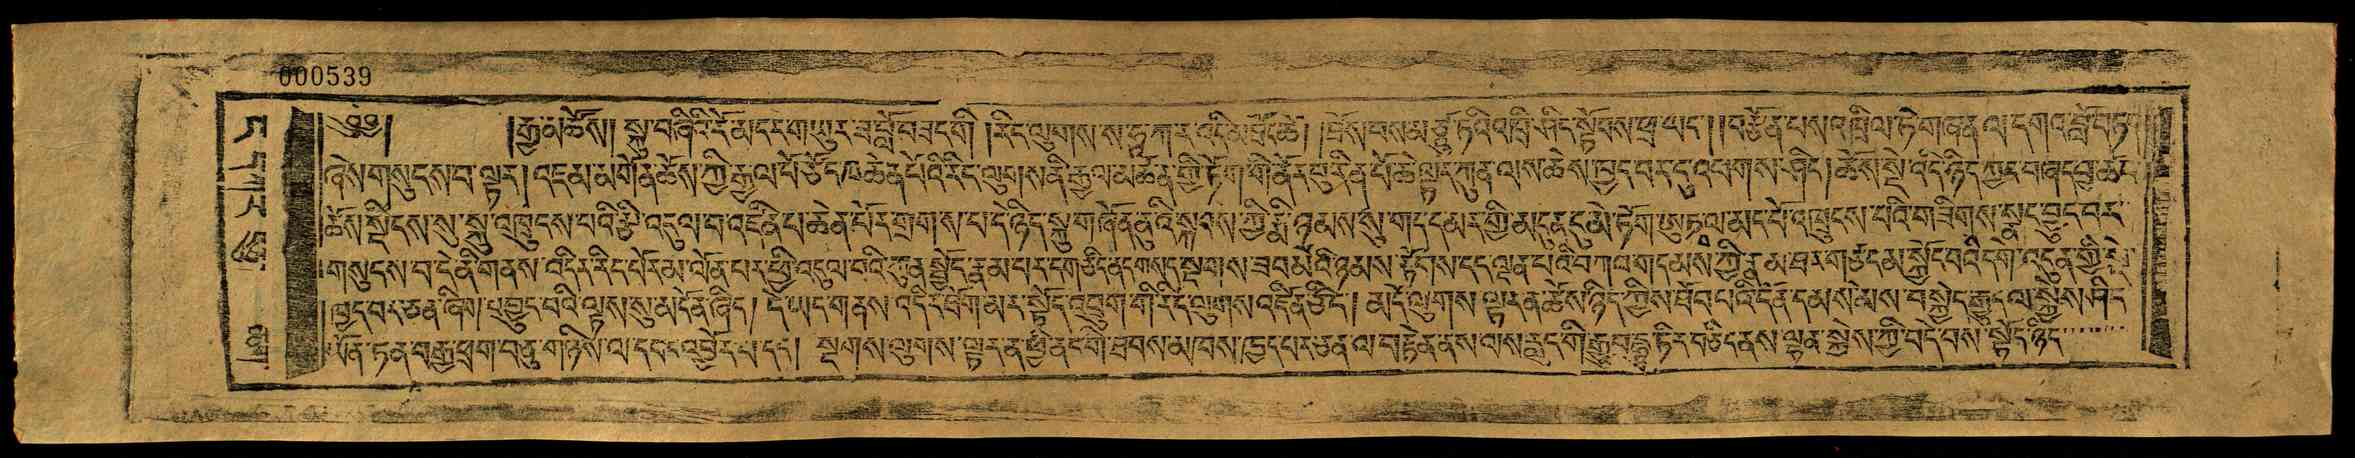༄༅། །རྒྱ་མཚོས། སྐུ་བཞིའི་རོ་མངར་གཡུར་ཟ་བློ་བཟང་གི །རིང་ལུགས་ས་ཧཱ་ཀ་ར་འདི་མཐོང་ཚེ། །ཐོས་བསམ་ཙཱུ་ཏའི་འཁྲི་ཤིང་སྟོབས་ཕྲ་ཡང་། །བརྩོན་པས་འཁྲིལ་ཏེ་གཞལ་ལ་དགའ་བློ་བཏང་
ཞེས་གསུངས་པ་ལྟར། འཇམ་མགོན་ཆོས་ཀྱི་རྒྱལ་པོ་ཙོང་ཁ་པ་ཆེན་པོའི་རིང་ལུགས་ནི་རྒྱལ་མཚན་གྱི་ཏོག་གི་ནོར་བུ་རིན་པོ་ཆེ་ལྟར་ཀུན་ལས་ཆེས་ཁྱད་པར་དུ་འཕགས་ཤིང་། ཆོས་སྡེ་འདི་ཉིད་ཀྱང་བཞད་པ་ཚང་
ཆོས་སྡིངས་སུ་སྐུ་འཁྲུངས་པའི་རྩི་འདུལ་བ་འཛིན་པ་ཆེན་པོར་གྲགས་པ་དེ་ཉིད་སྐུ་གཞོན་ནུའི་སྐབས་ཀྱི་རྨི་ཉམས་སུ་གང་དམར་གྱི་མདུན་དུ་མེ་ཏོག་ཨུཏྤ་ལ་མང་པོ་འཁྲུངས་པའི་གཟིགས་སྣང་བྱུང་བར་
གསུངས་པ་དེ་ནི་གནས་འདིར་རིང་པོར་མ་ལོན་པར་ཕྱི་འདུལ་བའི་ཀུན་སྤྱོད་རྣམ་པར་དག་ཅིང་ནང་གསང་སྔགས་ཟབ་མོའི་ཉམས་རྟོགས་དང་ལྡན་པའི་བཀའ་གདམས་ཀྱི་རྣམ་ཐར་གཙང་མ་སྐྱོང་བའི་དགེ་འདུན་གྱི་སྡེ་
ཁྱད་པར་ཅན་ཞིག་འབྱུང་བའི་ལྟས་སུ་མངོན་ཞིང་། དེ་ཡང་གནས་འདིར་ཐོག་མར་སྟོད་འབྲུག་གི་རིང་ལུགས་འཛིན་ཅིང་། མདོ་ལུགས་ལྟར་ན་ཆོས་ཉིད་ཀྱིས་ཐོབ་པའི་དོན་དམ་སེམས་བསྐྱེད་རྒྱུད་ལ་སྐྱེས་ཤིང་
ཡོན་ཏན་བརྒྱ་ཕྲག་བཅུ་གཉིས་ལ་དབང་འབྱོར་པ་དང་། སྔགས་ལུགས་ལྟར་ན་ཕྱི་ནང་གི་ཐབས་མཁས་ཁྱད་པར་ཅན་ལ་བརྟེན་ནས་ལས་རླུང་གི་རྒྱུ་བ་དྷཱུ་ཏིར་བཙད་ནས་ལྷན་སྐྱེད་ཀྱི་བདེ་བས་སྟོང་ཉིད་